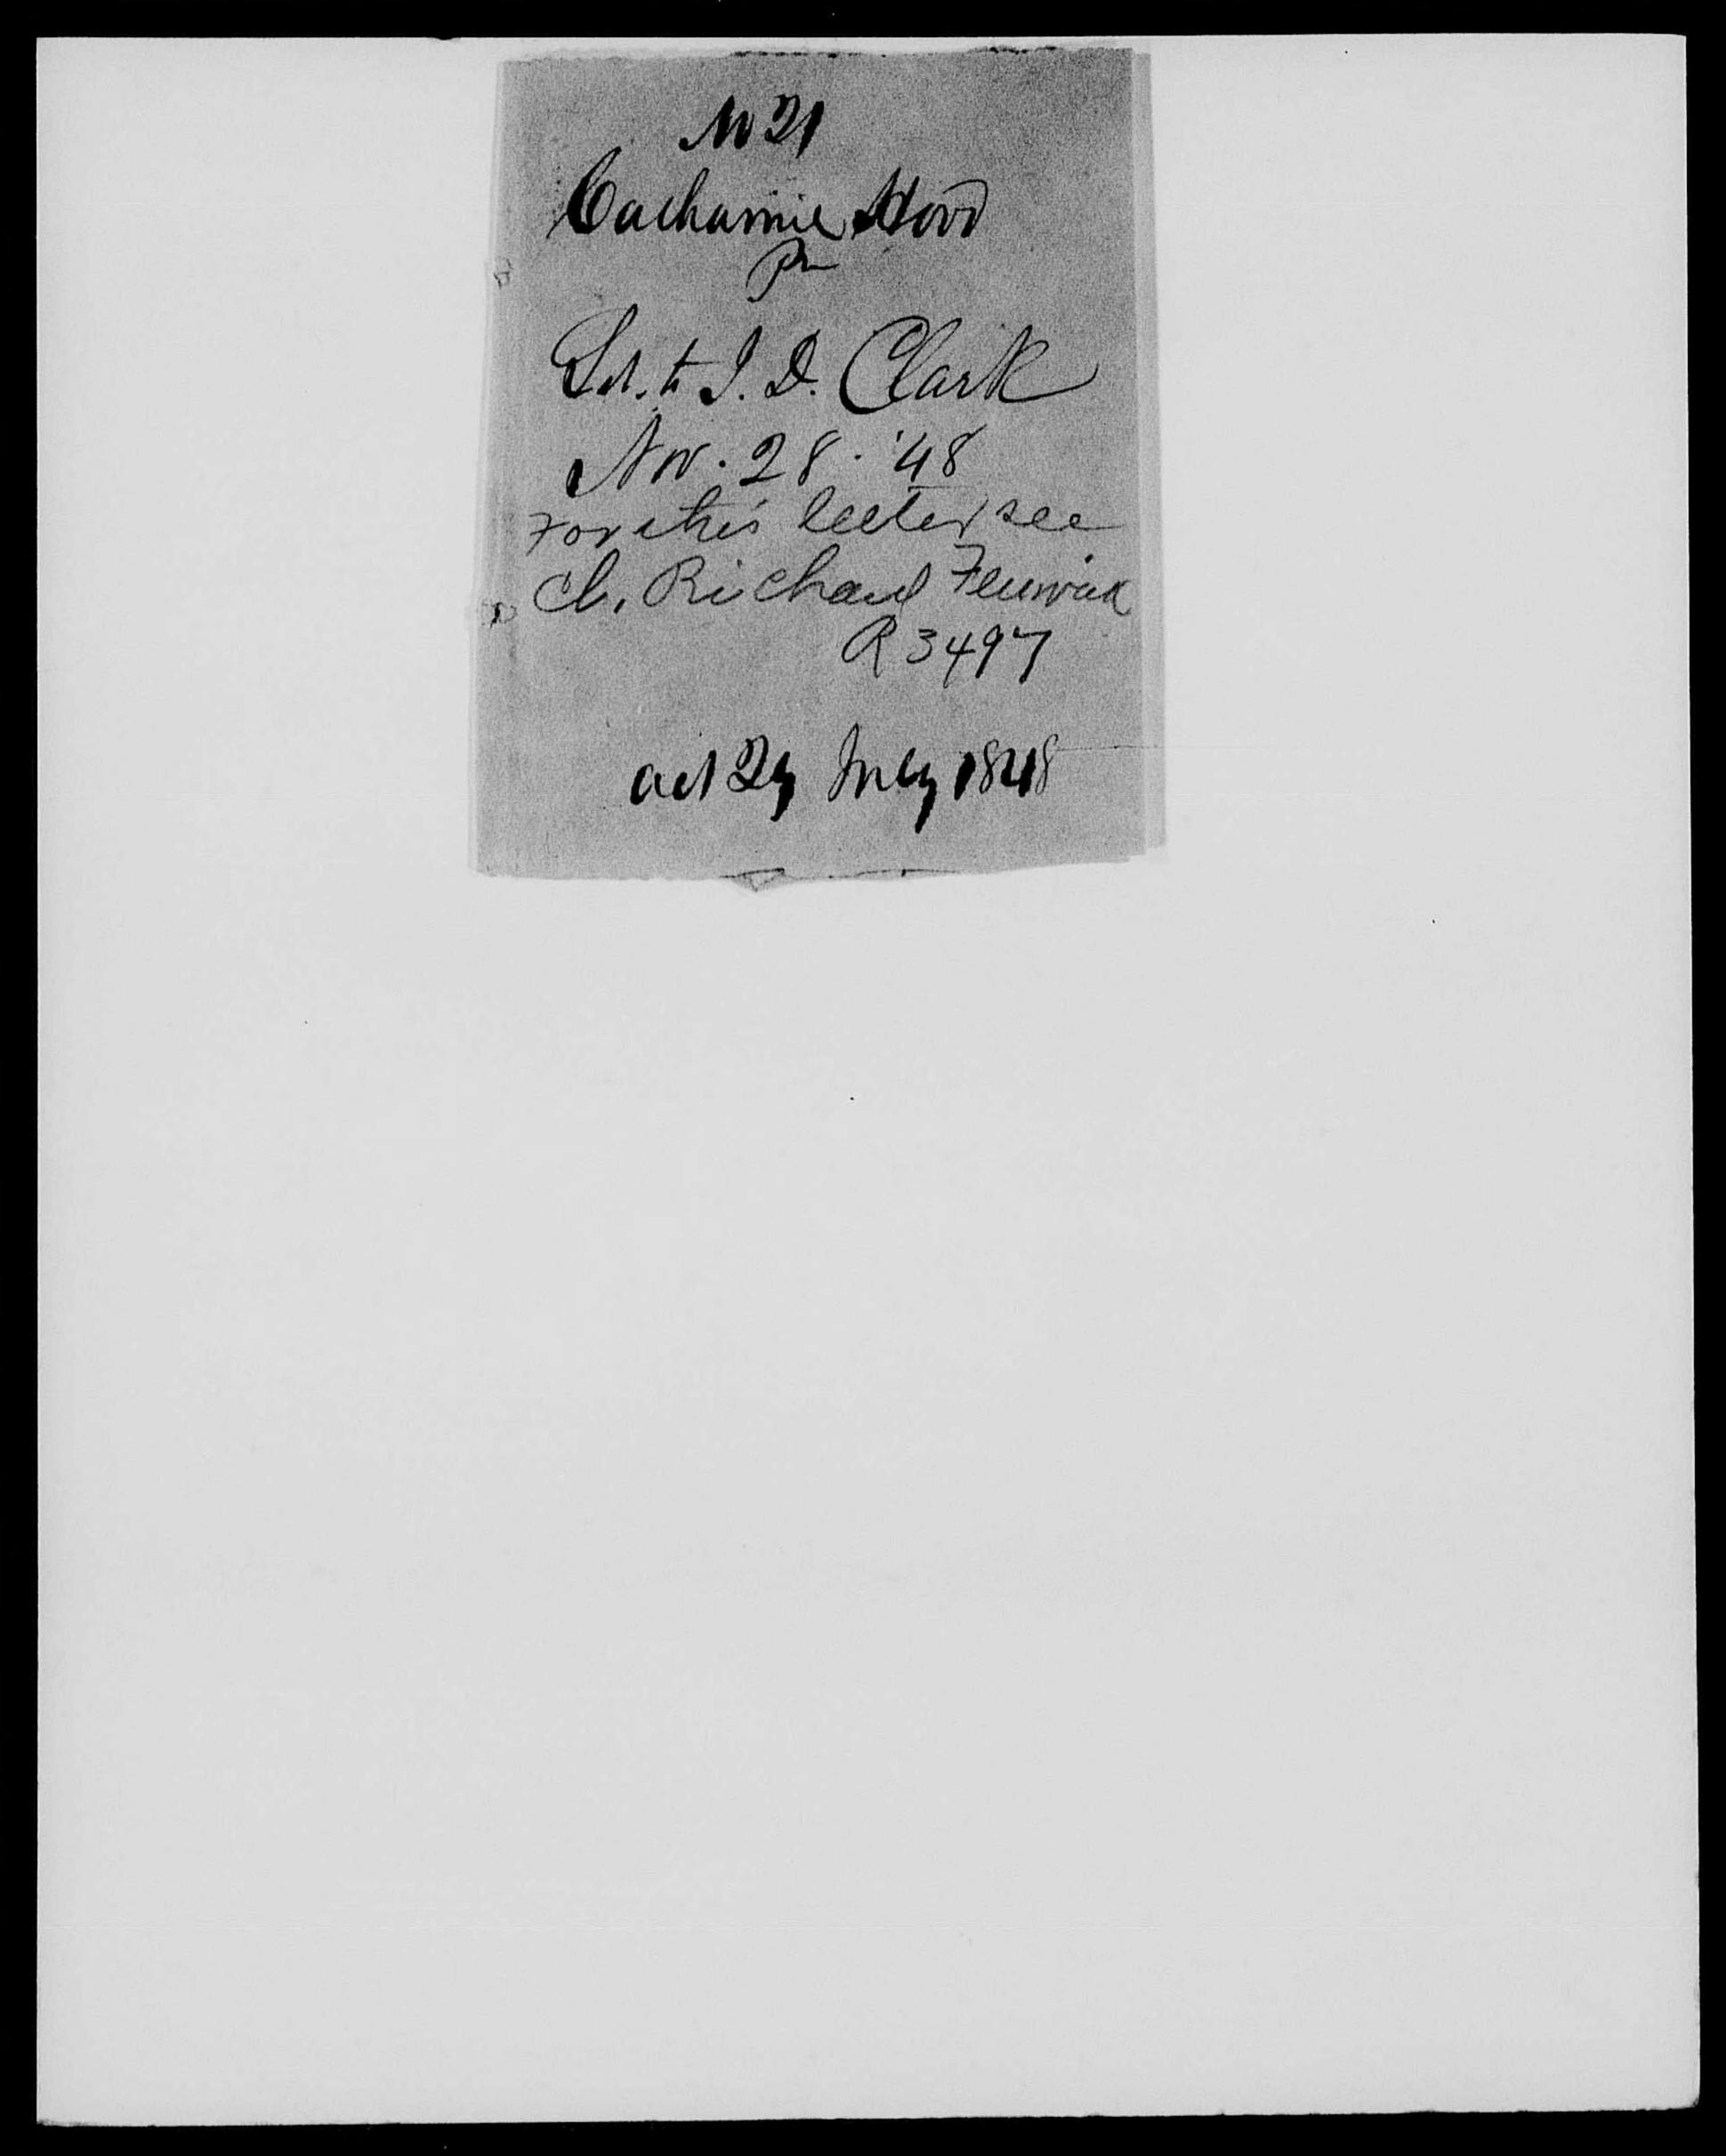November 28, 1848
For this Letter, see Ch. Richard Fenwick 
R.3497
Act 24 July 1848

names: J D Clark, Catharine Hood, Richard Fenwick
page: 19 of 51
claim: widow's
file: W 8939, George Hood, Continental Va.